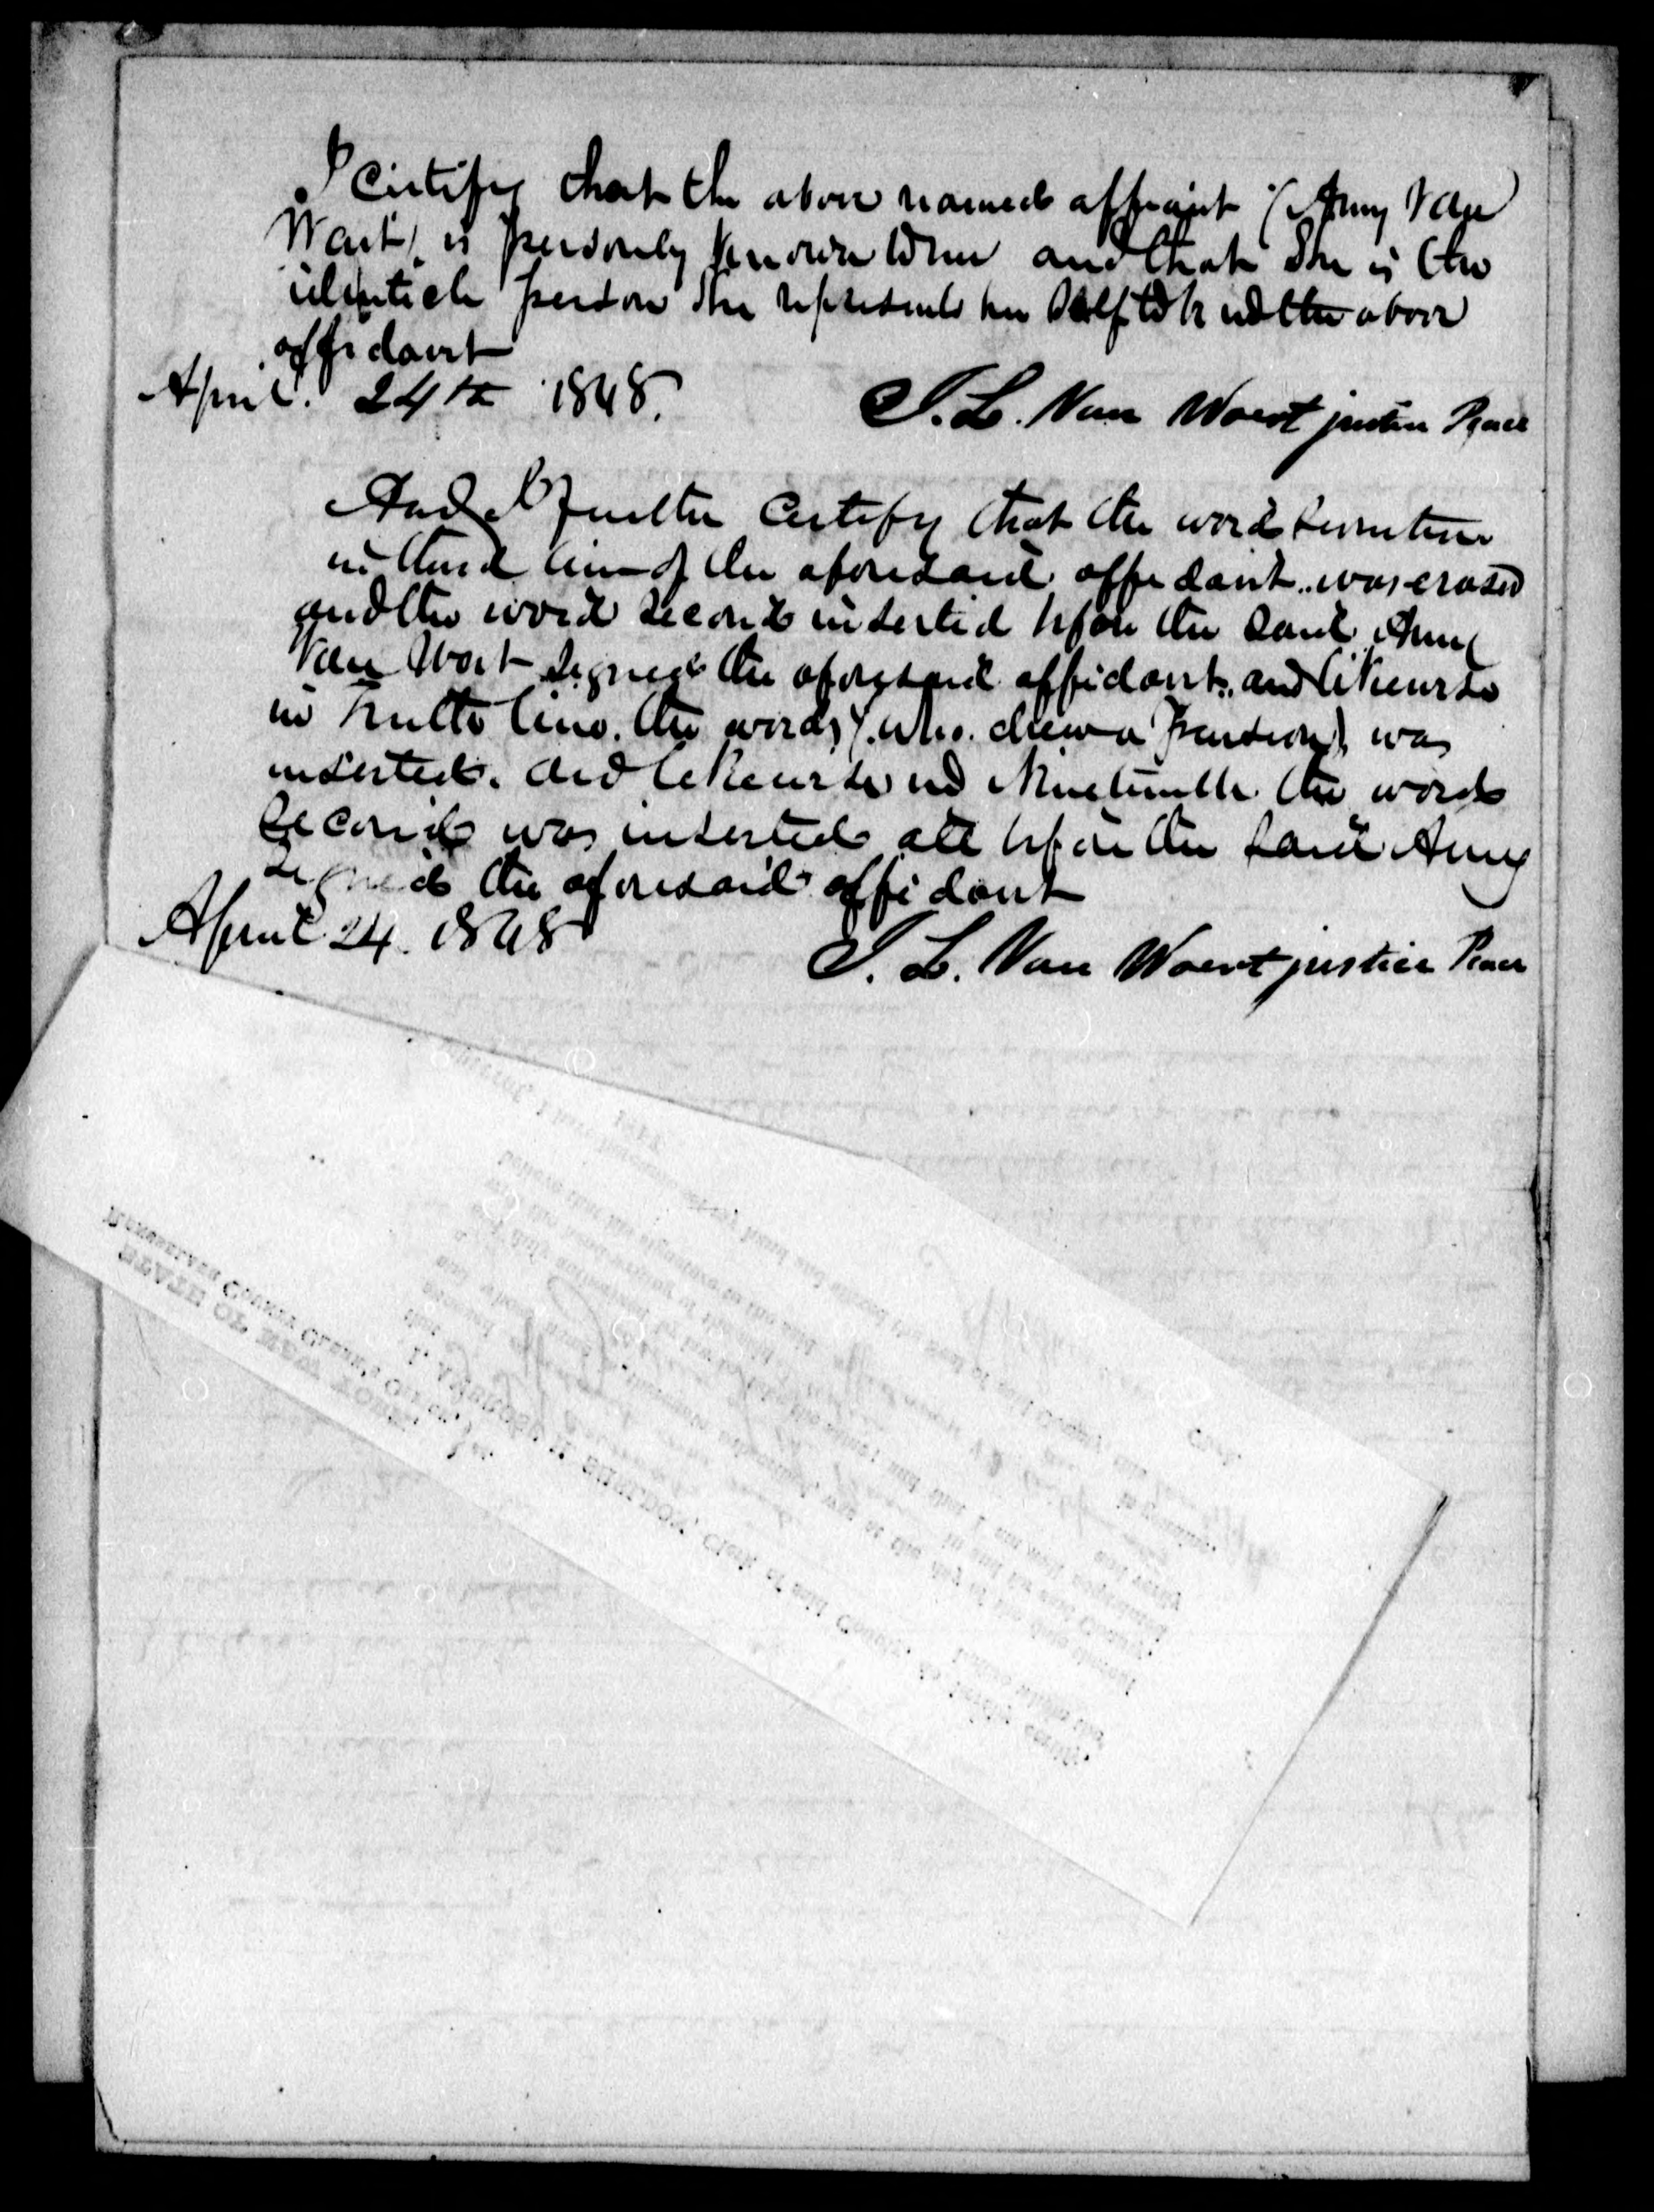I certify that the above named affiant (Amy Van Wart) is personaly known to me and that she is the identicle person she represents herself to be and the above affidavit
April 24th 1848. 
[signed] J. L. Van Woert Justice Peace 

And I further certify that the word seventeenth in third line of the aforesaid affidavit was erased and the word second inserted before the said Amy Van Wart signed the aforesaid affidavit and likewards in Tenth line, the word, (who drew a pension) was inserted, And likewards end Nineteenth the word second was inserted all before the said Amy signed the aforesaid affidavit 
April 24, 1848
[signed] J. L. Van Woert Justice Peace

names: Amy Van Wart, Amy, Amy Van Wart, J L Van Woert, J L Van Woert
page: 99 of 102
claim: widow's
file: W. 18239, Isaac Van Wart, New York